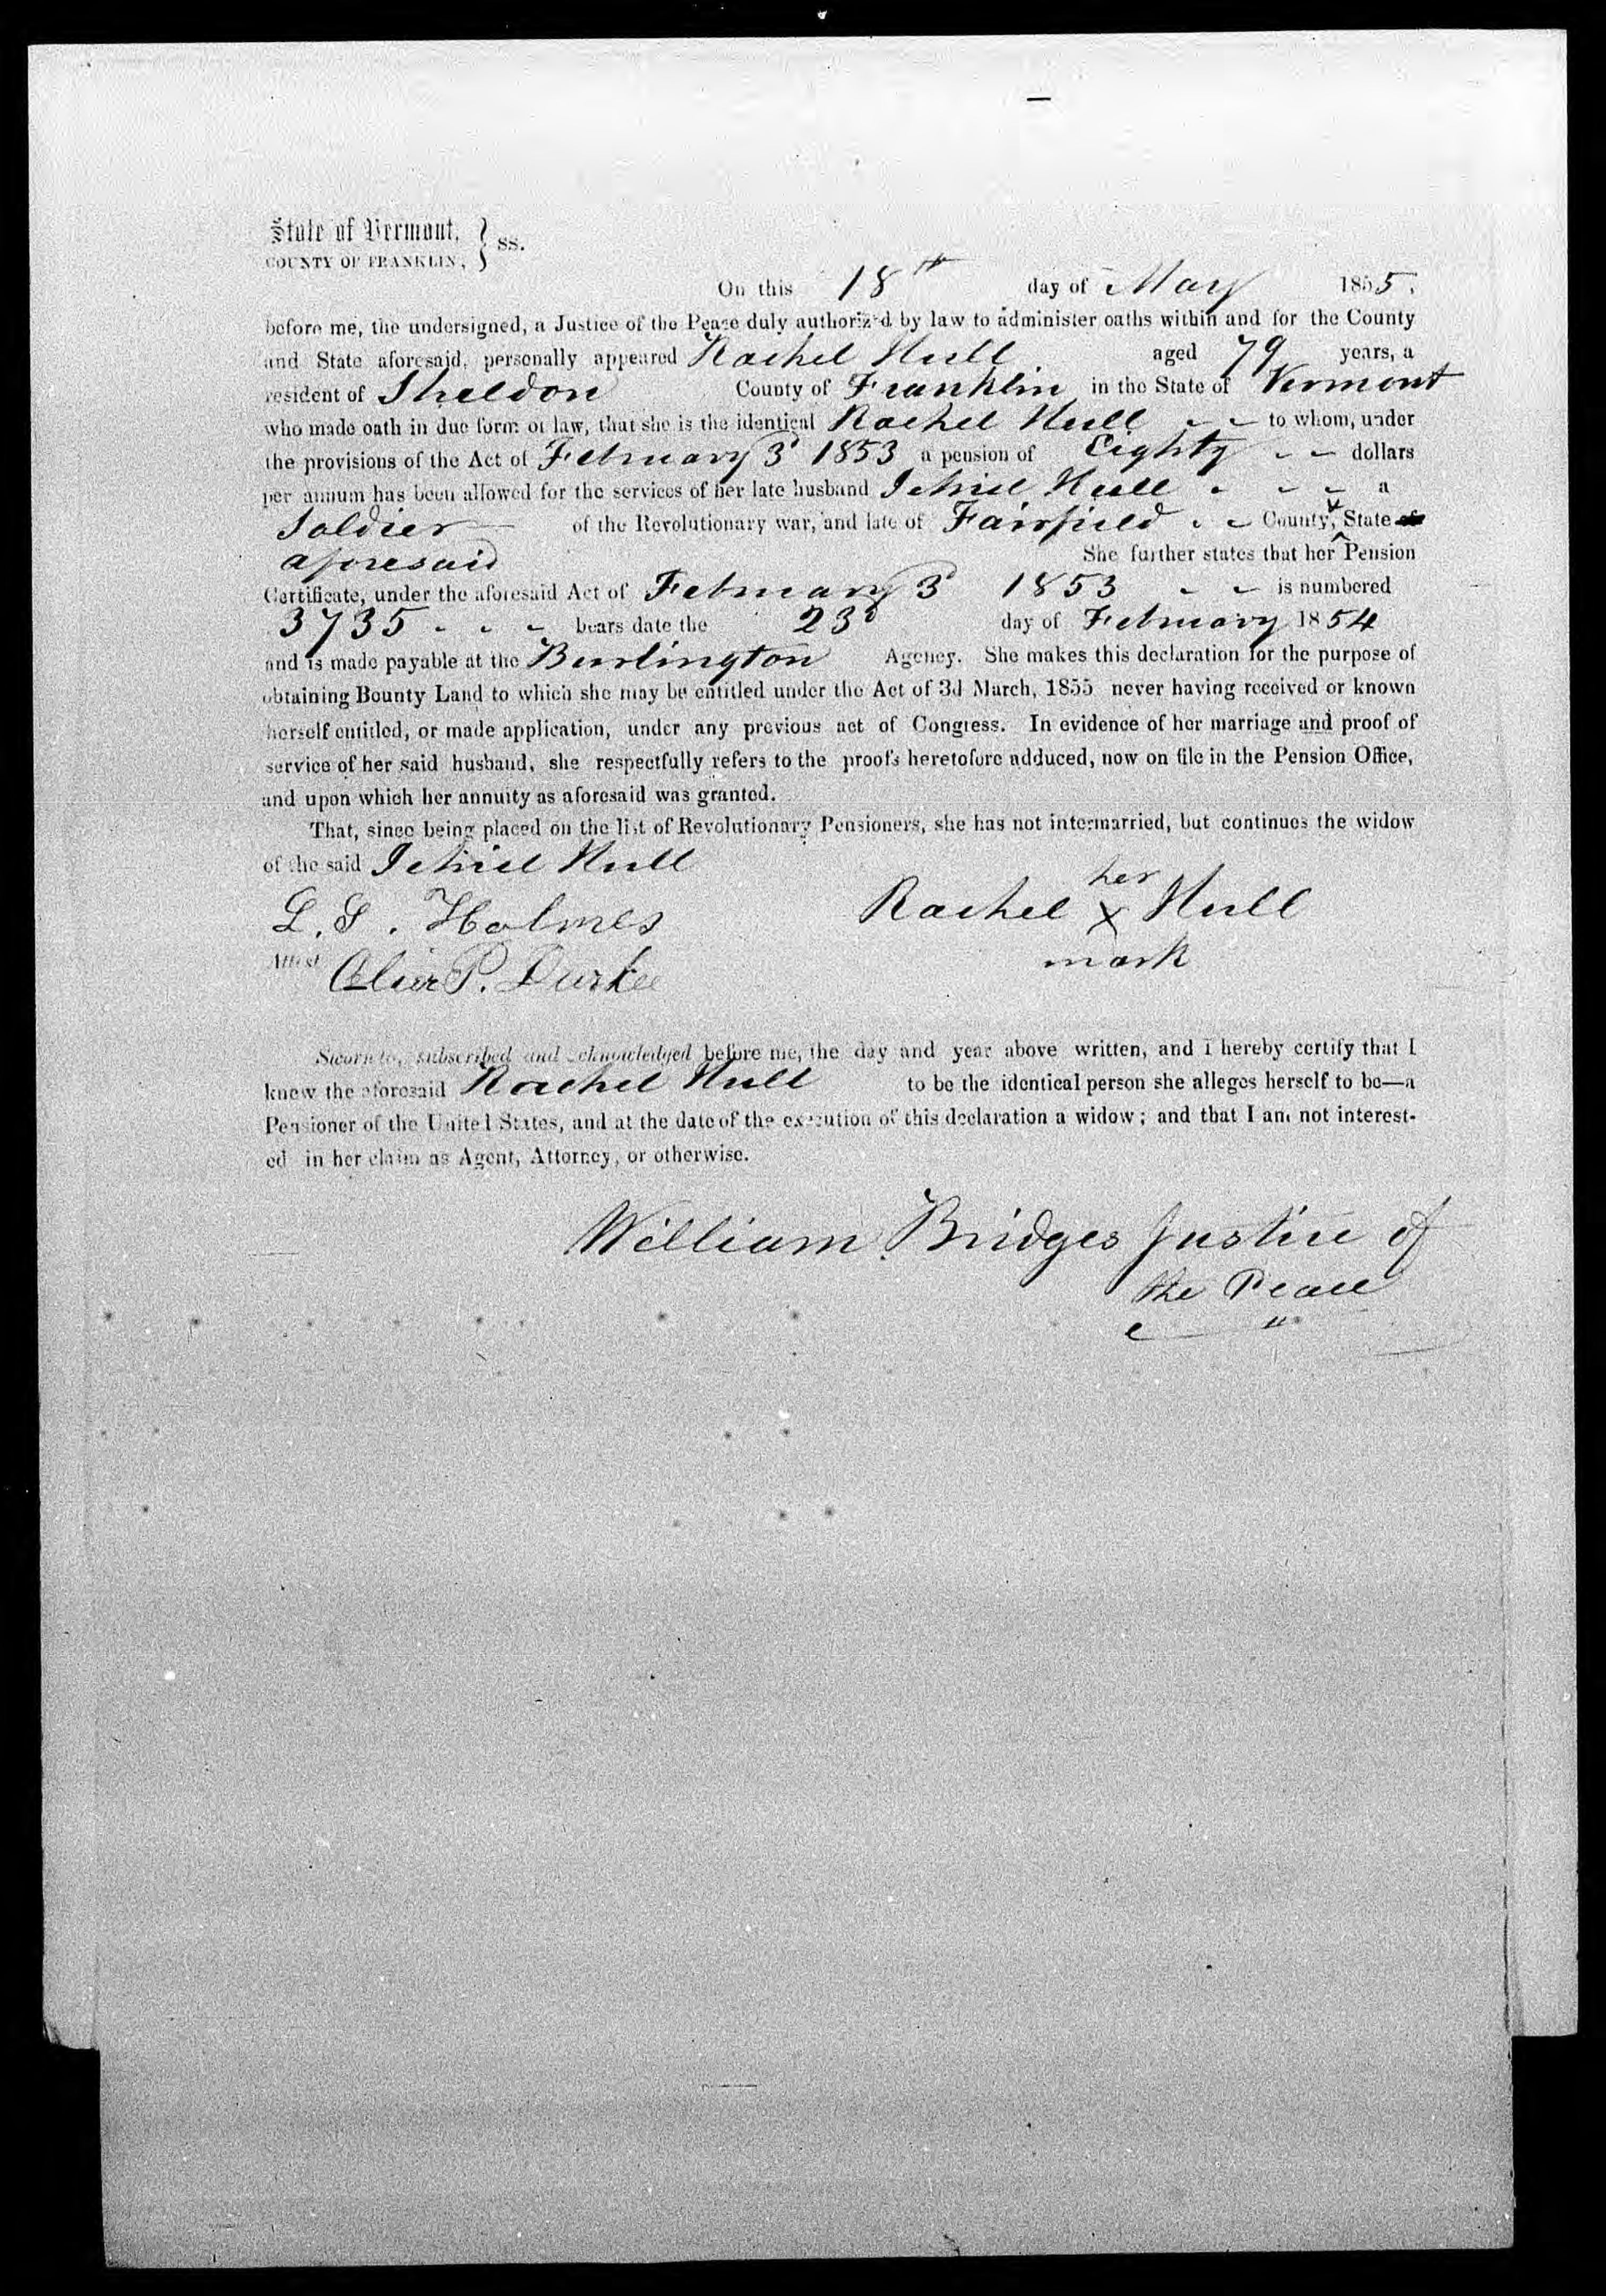State of Vermont SS
County of Franklin

	On this 18th day of May 1855, before me, the undersigned, a Justice of the Peace duly authorized by law to administer oaths within and for the County and State aforesaid, personally appeared Rachel Hull, aged 79 years, a resident of Sheldon County of Franklin in the State of Vermont who made oath in due form of law, that she is the identical Rachel Hull to whom, under the provision of the At of February 3, 1853 a pension of EIghty dollars per annum has been allowed for the services of her late husband Jehiel Hull a soldier of the Revolutionary war, and late of Fairfield County, State aforesaid. She further states that her Pension Certificate, under the aforesaid Act of February 3, 1853 is numbered 3735 bears date the 23d day of February 1854 and is made payable at the Burlington Agency. She makes this declaration for the purpose of obtaining Bounty Land to which she may be entitled under the Act of 3d March, 1855 never having received or known herself entitled, or made application, under any previous act of Congress. In evidence of her marriage and proof of service of her said husband, she respectfully refers to the proofs heretofore adduced, now on file in the Pension Office, and upon which her annuity as aforesaid was granted. 
That, since being placed on the list of Revolutionary Pensioners, she is not intermarried, but continues the word of the said Jehiel Hull
attest L. L. Holmes, Oliver P Durkee
Rachel Hull her X mark
Sworn, subscribed, and acknowledged before me, the day and year above written, and I hereby certify that I knew the aforesaid Rachel Hull to be the identical person she alleges herself to be - a Pensioner of the United States, and at the date of the execution of this declaration a widow; and that I am not interested in her claim as Agent, Attorney or otherwise. 
William Bridges, Justice of the Peace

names: L S Holmes, William Bridges, Olive P Durkee, Rachel Hull, Jehiel Hull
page: 8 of 58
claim: widow's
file: W. 25813, Jehiel Hull, Conn.